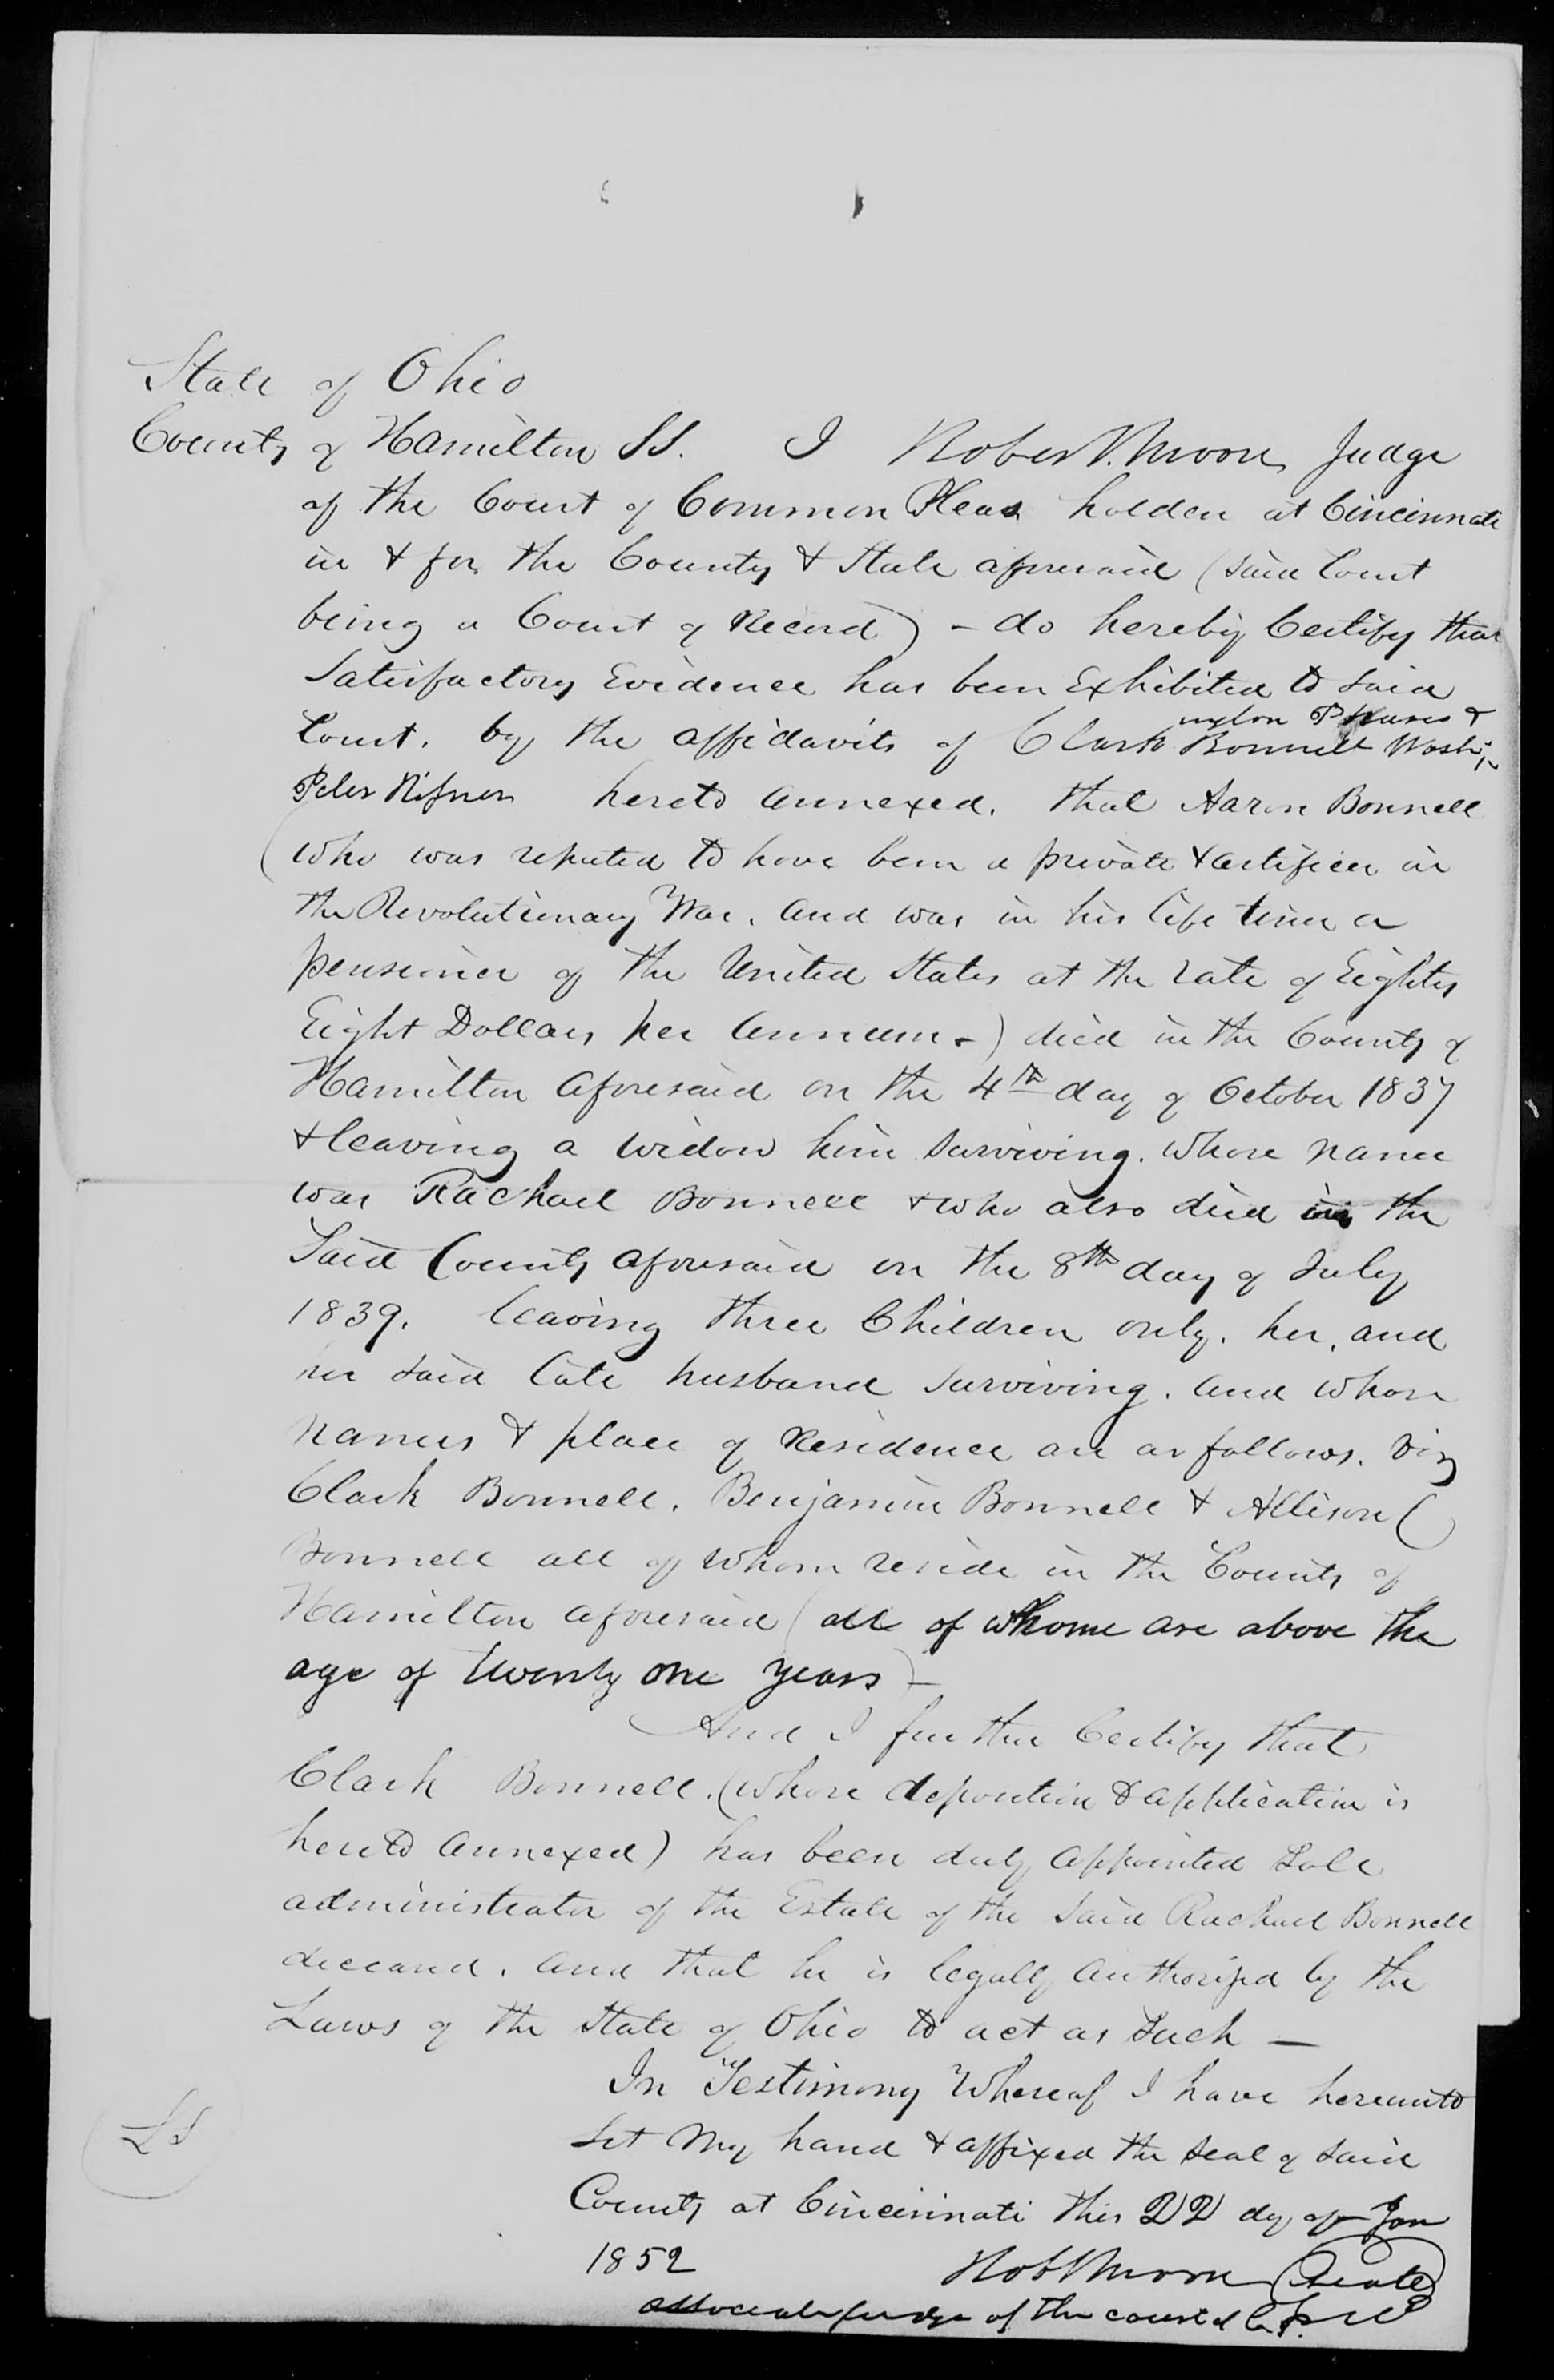State of Ohio
County of Hamilton ss.
I Robert Moore, Judge of the Court of Common Pleas holden at Cincinatti in & for the County & state aforesaid (said Court being a Court of Record) do hereby certify that satisfactory evidence has been exhibited to said court, by the affidavits of Clark Bonnell , Washington Pheris & Peter Rifner hereto annexed, that Aaron Bonnel (who was reputed to have been a private & artificer in the Revolutionary War, and was in his lifetime a pensioner of the United States at the rate of Eighty eight dollars per annum ) died in the County of Hamilton aforesaid on the 4th day of October 1837 & leaving a widow him surviving, whose name was Rachael Bonnell & who also died in the said County aforesaid on the 8th day of July 1839 leaving three children only, her and her said late husband surviving and whose names & place of residence are as follows, viz. Clark Bonnell, Benjamin Bonnell, & Allison C. Bonnell all of whom reside in the County of Hamilton aforesaid (all of whom are above the age of twenty one years.)
And I further certify that Clark Bonnell (whose deposition & applications is hereto annexed) has been duly appointed sole administrator of the Estate of said Rachael Bonnell deceased, and that he is legally authorized by the laws of the State of Ohio to act as such.
In testimony whereof I have hereunto set my hand & affixed the seal of said County at Cincinnati this 22 day of Jan 1852.
Robt Moore
Associate Judge of the Court of C P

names: Allison C Bonnell, Clark Bonnell, Clark Bonnell, Rachael Bonnell, Rachael Bonnell, Benjamin Bonnell, Aaron Bonnell, Peter Rifner, Robt Moore, Clark Bonnell, Robert Moore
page: 52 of 67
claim: rejected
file: R. 1009, Aaron Bonnel, New Jersey